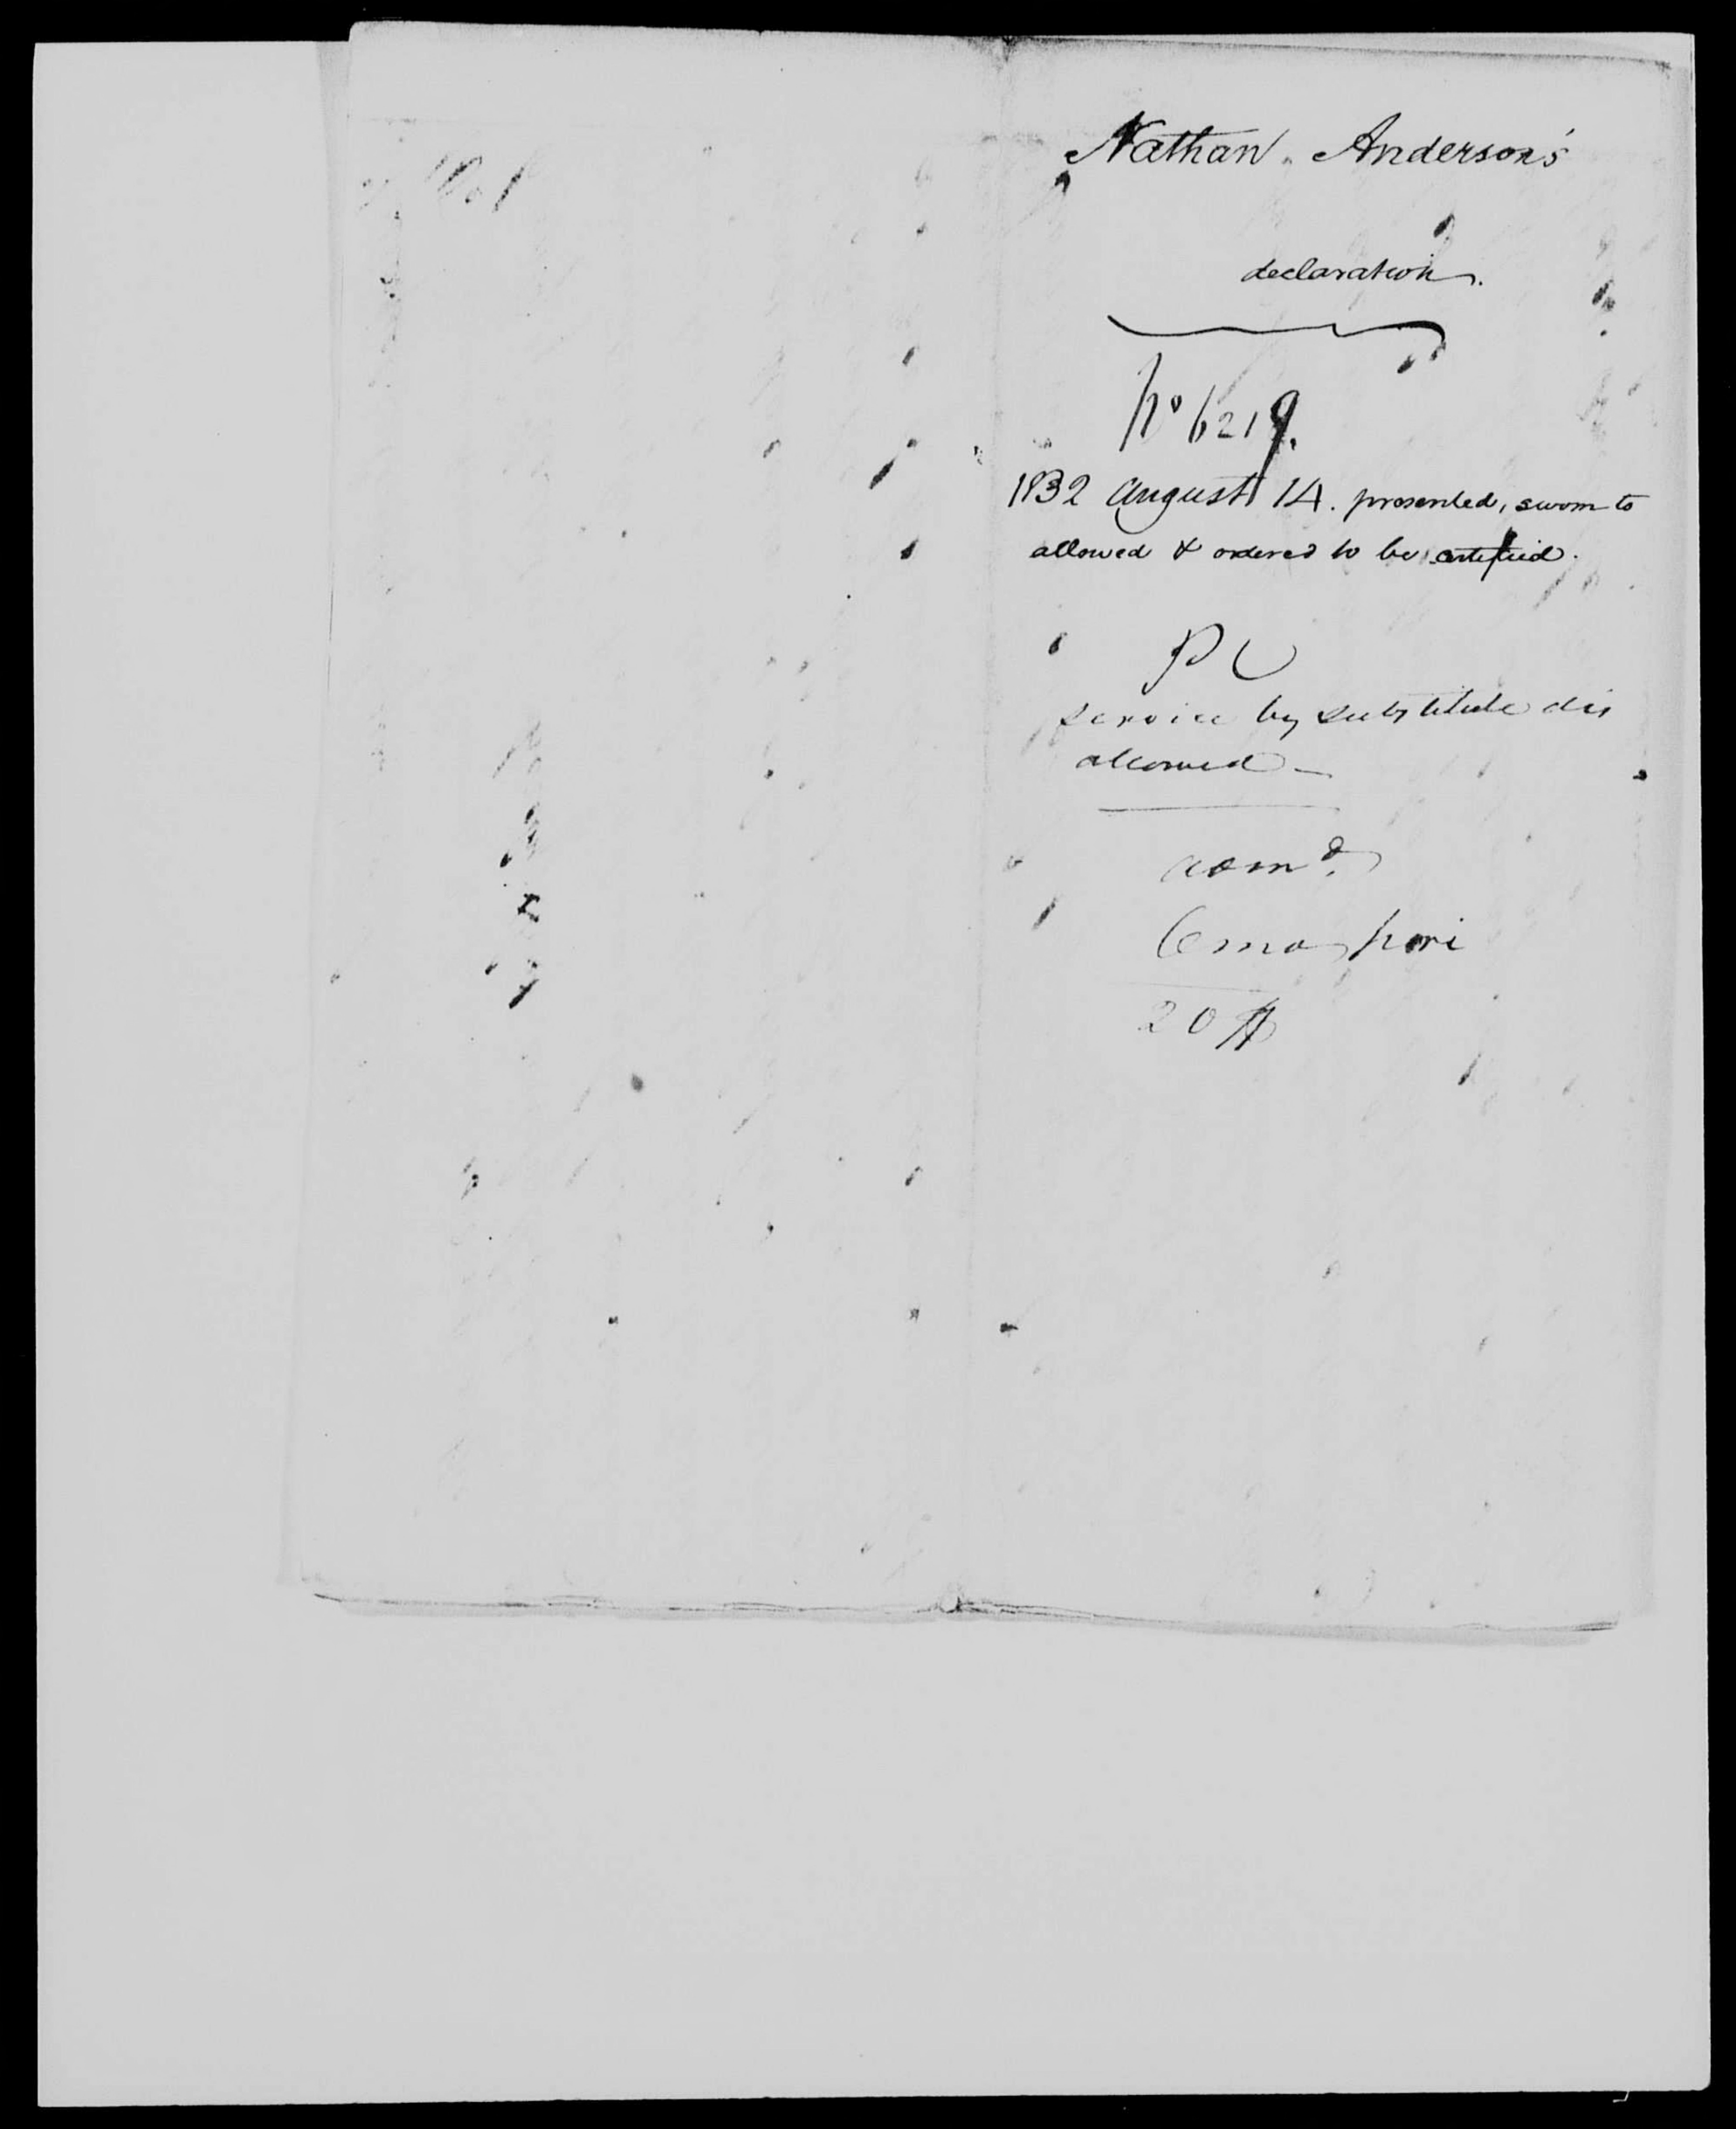Nathan Anderson's 
declaration
No 6219.
1832 August 14. presented, sworn to
allowed & ordered to be certified.
PU
Service by substitute disallowed.

Admd.
6 mos pri
20$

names: Nathan Anderson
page: 3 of 43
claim: widow's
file: W. 5,626, Nathan Anderson, Va.